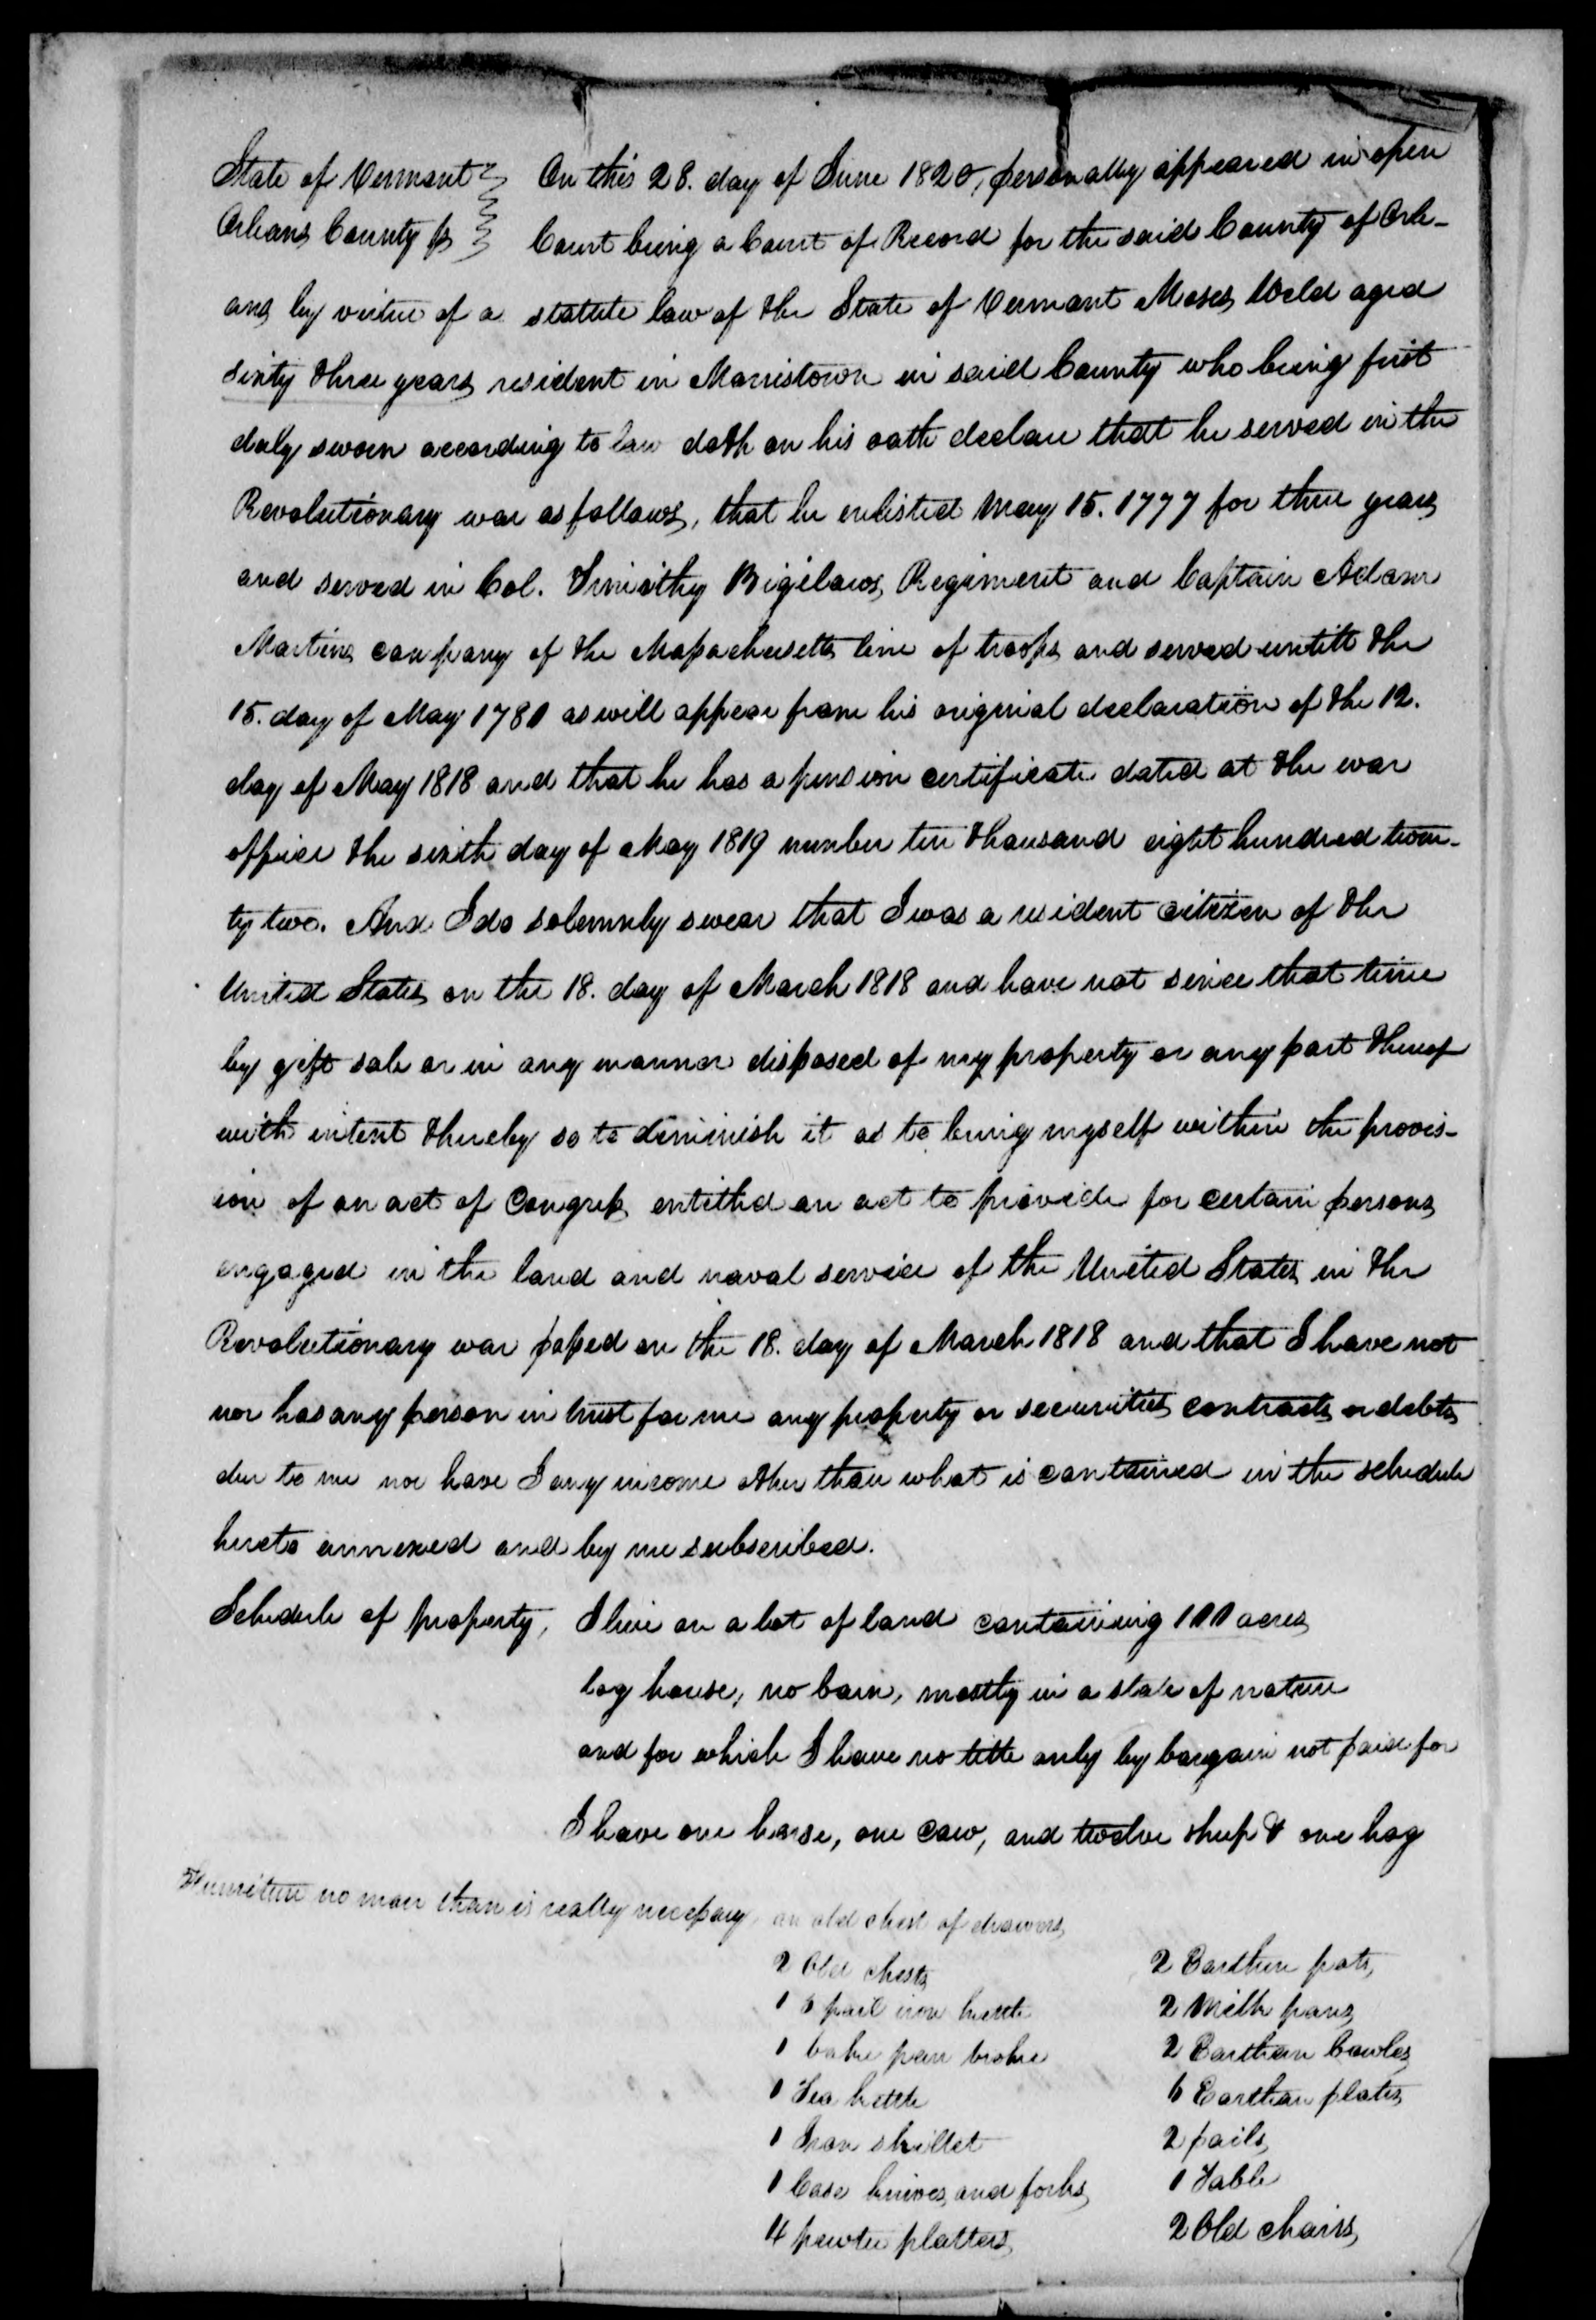State of Vermont
Orleans County
On this 28 day of June 1820, personally appeared in open
Court being a Court of Record for the said County of Orleans, by virtue of a statute law of the State of Vermont Moses Weld aged
sixty three years, resident in Morristown in said County who being first
duly sworn according to law doth on his oath declare that he served in the
Revolutionary war as follows, that he enlisted May 15, 1777 for three years,
and served in Col. Timothy Bigelow's Regiment and Captain Adam Martins company of the Massachusetts line of troops and served untill the 15 day of May 1780 as will appear from his original declaration of the 12 day of May 1818 and that he has a pension certificate dated at the war office the sixth day of May 1819 number ten thousand eight hundred twenty two. And I do solemnly swear that I was a resident citizen of the United States on the 18 day of March 1818 and have not since that time by gift sale or in any manner disposed of my property or any part thereof with intent hereby so to diminish it as to bring myself within the provision of an act of Congress entitled an act to provide for certain persons,
engaged in the land and naval service of the United States in the Revolutionary war passed on the 18 day of March 1818 and that I have not nor has any person in trust for me any property or securities, contracts or debts
due to me nor have I any income other than what is contained in the schedule hereto annexed and by me subscribed.
 Schedule of property, I live on a lot of land containing 100 acres, log house, no barn, mostly in a state of nature and for which I have no title only by bargain not paid for I have one horse, one cow, and twelve sheep & one hog
Furniture no more than is really necessary, an old chest of drawers
2 old chests
1 [2 part?] iron kettle
1 bake pan broke
1 Tea kettle
1 iron skillet
1 Case knives and forks
4 pewter platters
2 Earthen pots
2 Milk pans
2 Earthen bowls
6 Earthen plates
2 pails,
1 Table
2 old chairs,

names: Moses Weld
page: 10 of 87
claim: widow's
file: W. 25,966, Moses Weld, Mass.